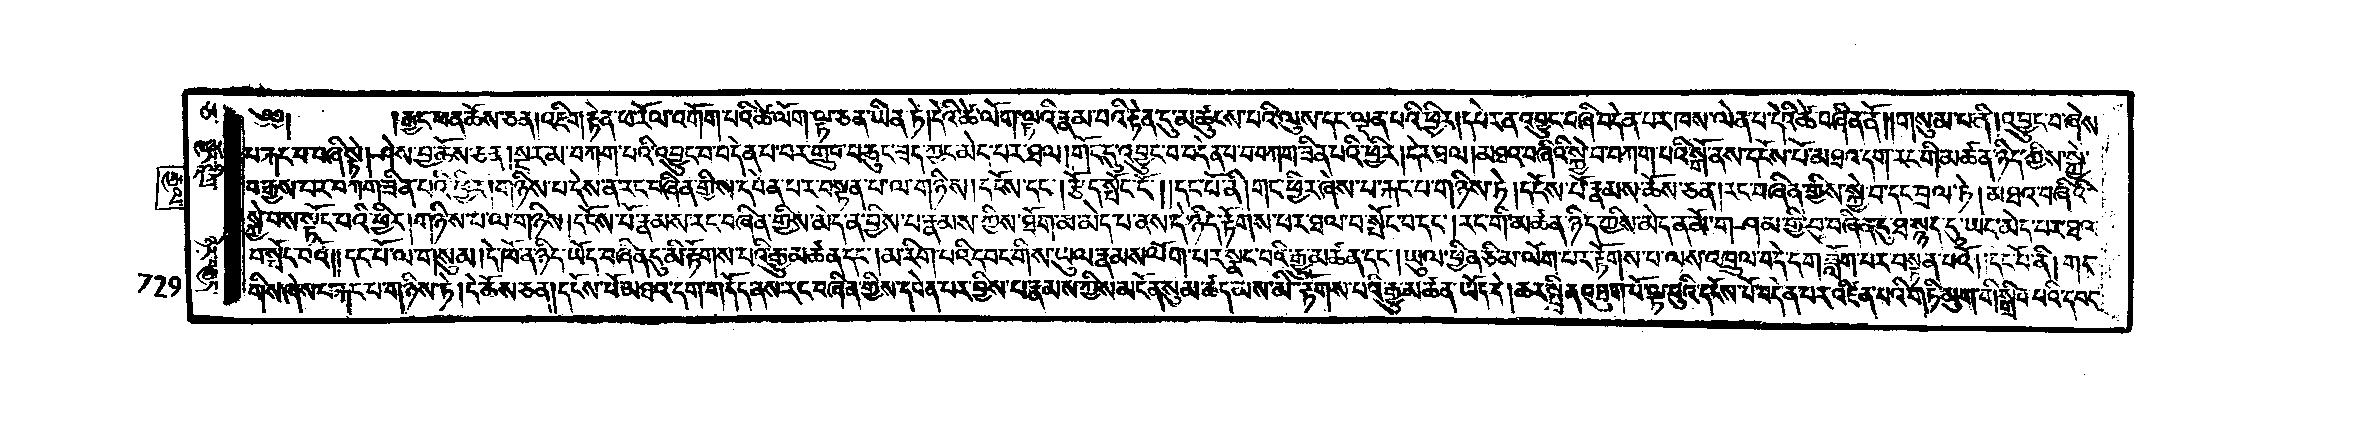༄༅། །རྒྱང་ཕན་ཆོས་ཅན། འཇིག་རྟེན་ཕ་རོལ་འགོག་པའི་ཚེ་ལོག་ལྟ་ཅན་ཡིན་ཏེ། དེའི་ཚེ་ལོག་ལྟའི་རྣམ་པའི་རྟེན་དུ་མཚུངས་པའི་ལུས་དང་ལྡན་པའི་ཕྱིར། དཔེར་ན་འབྱུང་བཞི་བདེན་པར་ཁས་ལེན་པ་དེའི་ཚེ་བཞིན་ནོ། །གསུམ་པ་ནི། འབྱུང་བ་ཞེས་
པ་རྐང་པ་བཞི་སྟེ། ཤེས་བྱ་ཆོས་ཅན། སྔར་མ་བཀག་པའི་འབྱུང་བ་བདེན་པ་བར་གྲུབ་པ་ཅུང་ཟད་ཀྱང་མེད་པར་ཐལ། གོང་དུ་འབྱུང་བ་བདེན་པ་བཀག་ཟིན་པའི་ཕྱིར། དེར་ཐལ། མཐའ་བཞིའི་སྐྱེ་བ་བཀག་པའི་སྒོ་ནས་དངོས་པོ་མཐའ་དག་རང་གི་མཚན་ཉིད་ཀྱིས་སྐྱེ་
བ་རྒྱས་པར་བཀག་ཟིན་པའི་ཕྱིར། གཉིས་པ་དེས་ན་རང་བཞིན་གྱིས་དབེན་པར་བསྟན་པ་ལ་གཉིས། དངོས་དང་། རྩོད་སྤོང་ངོ། །དང་པོ་ནི། གང་ཕྱིར་ཞེས་པ་རྐང་པ་གཉིས་ཏེ། དངོས་པོ་རྣམས་ཆོས་ཅན། རང་བཞིན་གྱིས་སྐྱེ་བ་དང་བྲལ་ཏེ། མཐའ་བཞིའི་
སྐྱེ་བས་སྟོང་པའི་ཕྱིར། གཉིས་པ་ལ་གཉིས། དངོས་པོ་རྣམས་རང་བཞིན་གྱིས་མེད་ན་བྱིས་པ་རྣམས་ཀྱིས་ཐོག་མ་མེད་པ་ནས་དེ་ཉིད་རྟོགས་པར་ཐལ་བ་སྤོང་བ་དང་། རང་གི་མཚན་ཉིད་ཀྱིས་མེད་ན་མོ་གཤམ་གྱི་བུ་བཞིན་དུ་ཐ་སྙད་དུ་ཡང་མེད་པར་ཐལ་
བ་སྤོང་བའོ། །དང་པོ་ལ་གསུམ། དེ་ཁོ་ན་ཉིད་ཡོད་བཞིན་དུ་མི་རྟོགས་པའི་རྒྱུ་མཚན་དང་། མ་རིག་པའི་དབང་གིས་ཡུལ་རྣམས་ལོག་པར་སྣང་བའི་རྒྱུ་མཚན་དང་། ཡུལ་ཕྱིན་ཅི་མ་ལོག་པར་རྟོགས་པ་ལས་འཁྲུལ་བ་དེ་དག་ཟློག་པར་བསྟན་པའོ། །དང་པོ་ནི། གང་
གིས་ཞེས་པ་རྐང་པ་གཉིས་ཏེ། དེ་ཆོས་ཅན། དངོས་པོ་མཐའ་དག་གདོད་ནས་རང་བཞིན་གྱིས་དབེན་པར་བྱིས་པ་རྣམས་ཀྱིས་མངོན་སུམ་ཚད་མས་མི་རྟོགས་པའི་རྒྱུ་མཚན་ཡོད་དེ། ཆར་སྤྲིན་འཐུག་པོ་ལྟ་བུའི་དངོས་པོ་བདེན་པར་འཛིན་པའི་གཏི་མུག་གི་སྒྲིབ་པའི་དབང་